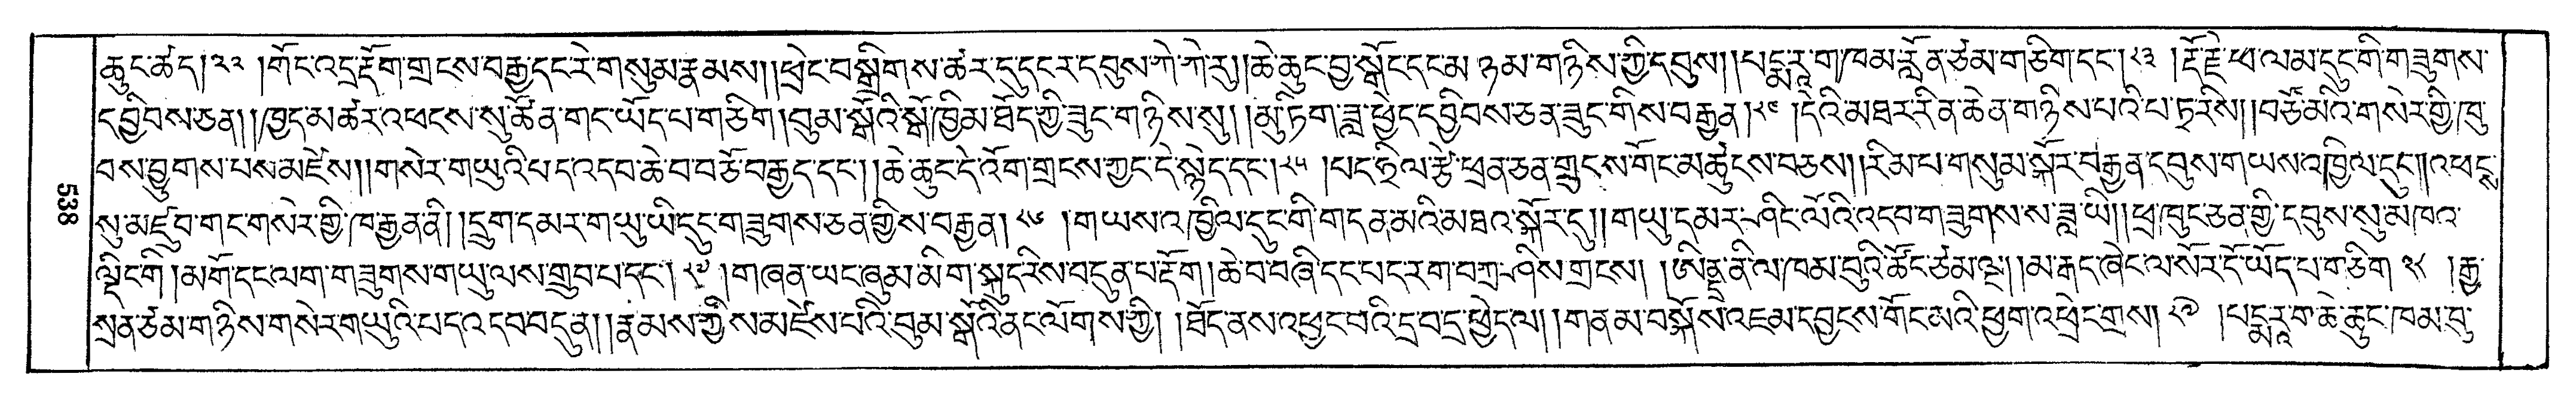ཆུང་ཚད། ༨༢་།གོང་འདྲ་རྡོག་གྲངས་བརྒྱ་དང་རེ་གསུམ་རྣམས། །ཕྲེང་བསྒྲིགས་ཚར་དུ་དང་ར་དབུས་ཀེ་ཀེ་རུ། །ཆེ་ཆུང་བྱ་སྒོང་དང་མཉམ་གཉིས་ཀྱི་དབུས། །པདམ་རཱ་ག་ཁམ་རློན་ཙམ་གཅིག་དང་། ༨༣་།རྡོ་རྗེ་ཕ་ལམ་དྲུང་གི་གཟུགས་
དབྱིབས་ཅན། །ཁྱད་མཚར་འཕངས་སུ་ཚོན་གང་ཡོད་པ་གཅིག །བུམ་སྒོའི་སྒོ་ཁྱིམ་ཐོད་ཀྱི་ཟུར་གཉིས་སུ། །མུ་ཏིག་ཟླ་ཕྱེད་དབྱིབས་ཅན་ཟུང་གིས་བརྒྱན། ༨༤་།དེའི་མཐར་རིན་ཆེན་གཉིས་པའི་པ་ཏྲ་རིས། །བཙོ་མའི་གསེར་གྱི་ཁུ་
བས་བྱུགས་པས་མཛེས། །གསེར་གཡུའི་པད་འདབ་ཆེ་བ་བཅོ་བརྒྱད་དང་། །ཆེ་ཆུང་དེ་འོག་གྲངས་ཀྱང་དེ་སྙེད་དང་། ༨༥་།པད་ཕྲིལ་རྩེ་ཕྲན་ཅན་གྲངས་གོང་མཚུངས་བཅས། །རིམ་པ་གསུམ་སྐོར་བརྒྱན་དབུས་གཡས་འཁྱིལ་དུང་། །འཕངས་
སུ་མཛུབ་གང་གསེར་གྱི་ཁ་རྒྱན་ནི། །དྲུག་དམར་གཡུ་ཡི་དུང་གཟུགས་ཅན་གྱིས་བརྒྱན། ༨༦་།གཡས་འཁྱིལ་དུང་གི་གདན་མའི་མཐའ་སྐོར་དུ། །གཡུ་དམར་ཤིང་ལོའི་འདབ་གཟུགས་ས་ཟླ་ཡི། །ཕྲ་ཁུང་ཅན་གྱི་དབུས་སུ་མཁའ་
ལྡིང་གི །མགོ་དང་ལག་གཟུགས་གཡུ་ལས་གྲུབ་པ་དང་། ༨༧་།གཞན་ཡང་ཞུམ་མིག་སྐུད་རིས་བདུན་པ་རྡོག །ཆེ་བ་བཞི་དང་པད་རག་བཀྲ་ཤིས་གྲངས། །ཨིནྡྲ་ནཱི་ལ་ཁམ་བུའི་ཚོད་ཙམ་ལྔ། །མརྒད་ཞེང་ལ་སོར་དོ་ཡོད་པ་གཅིག ༨༨་།རྒྱ་
སྲན་ཙམ་གཉིས་གསེར་གཡུའི་པད་འདབ་བདུན། །རྣམས་ཀྱིས་མཛེས་པའི་བུམ་སྒོའི་ནང་ལོགས་ཀྱི། །ཐོད་ནས་འཕྱང་བའི་དྲ་བ་དྲ་ཕྱེད་ལ། །གནམ་བསྐོས་འཇམ་དབྱངས་གོང་མའི་ཕྱག་འཕྲེང་གྲས། ༨༧་།པདམ་རཱ་ག་ཆེ་ཆུང་ཁམ་བུ་